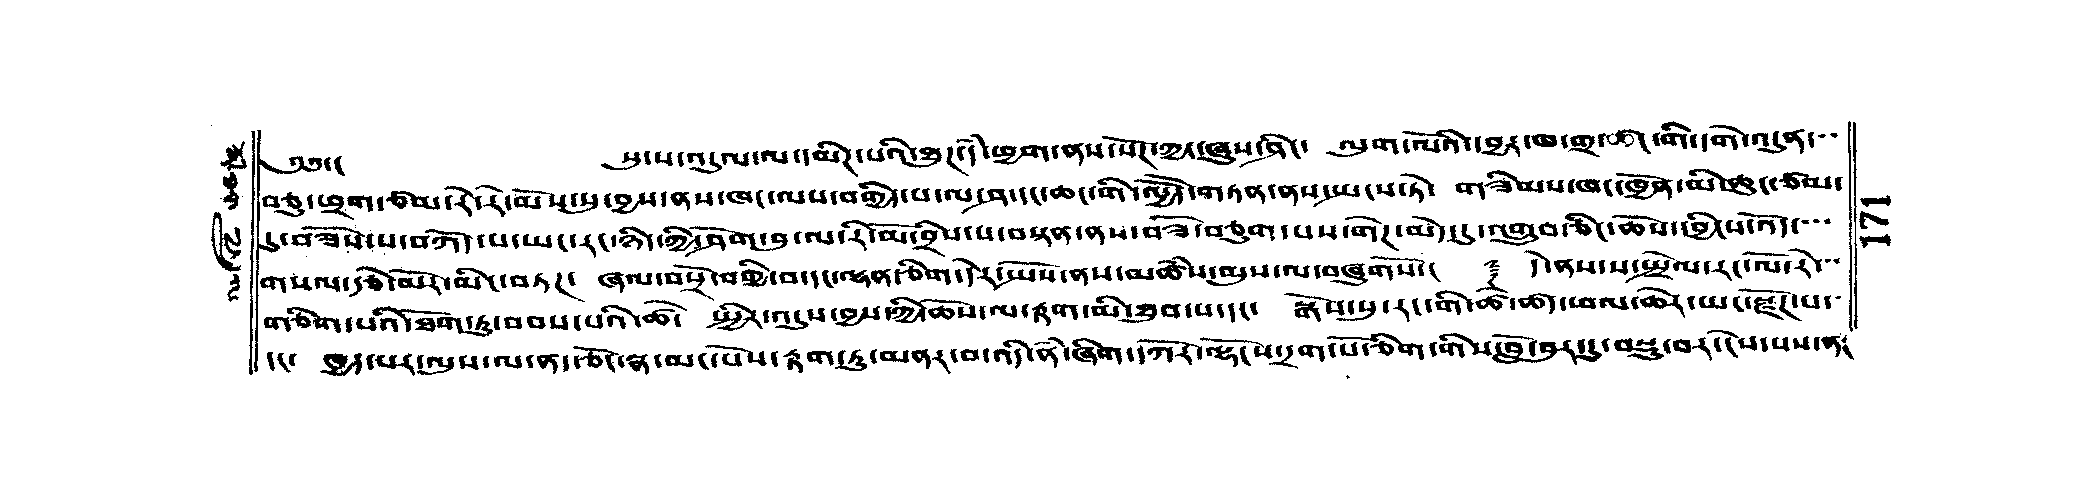སུ་ས་འདུལ་ལ་དམིགས་པའི་ཐུགས་དམ་ཕྱག་ནས་སོགས་ཀྱང་ཞུས་ཤིང་། ལུག་ལོའི་དབྱར་ཁ་གྲྭ་ཚང་གི་དགེ་འདུན་
བཅུ་ཕྲག་ཙམ་རེ་རེ་མོས་སུ་བྱས་ནས་ཁང་ལས་བགྱིད་པ་ལ་ཤ་དང་ཆང་གི་ལོངས་སྤྱོད་གཏན་ནས་སྤངས་ཏེ། གཟིམས་ཁང་ཁྱོན་མི་ཆུང་ཙམ་
དུ་བཟོས་པ་བཀོད་པ་ཡང་རང་ཉིད་ཀྱི་ཤོག་བུ་ལ་རི་མོ་བྲིས་པ་བསྟན་ནས་བཟོ་བཅུག་པས་གེགས་མེད་དུ་འགྲུབ་ཅིང་ཆོས་དབྱིངས་འོད་
གསལ་རྩེ་མོར་མིང་བཏགས།ཞལ་བསྲོ་བགྱི་བ་དང་ལྷན་ཅིག་དེར་སྤོས་ནས་མཚམས་མུས་ལ་བཞུགས་སོ། དེ་ནས་ས་སྤྲེལ་རང་ལོ་རེ་
གཅིག་པའི་ཐོག་ཏུ་བབས་པའི་ཚེ། སྤྱིར་འདུས་བྱས་ཀྱི་ཆོས་ལ་རྟག་མི་ཐུབ་པ་དང་། སྒོས་སུ་རང་གི་ཚེ་ཚད་ཕལ་ཆེར་ཡང་རྫོགས་པ་
དང་། ཁྱད་པར་ལུས་ལ་ནད་གཅོང་སྣ་མང་པོས་རྟག་ཏུ་མནར་བ་འདི་ནམ་ཞིག་དཀོར་ལྷོངས་དྲག་པོ་ཅིག་གིས་བློ་བུར་དུ་བསྡུ་བར་ངེས་པས་ན།